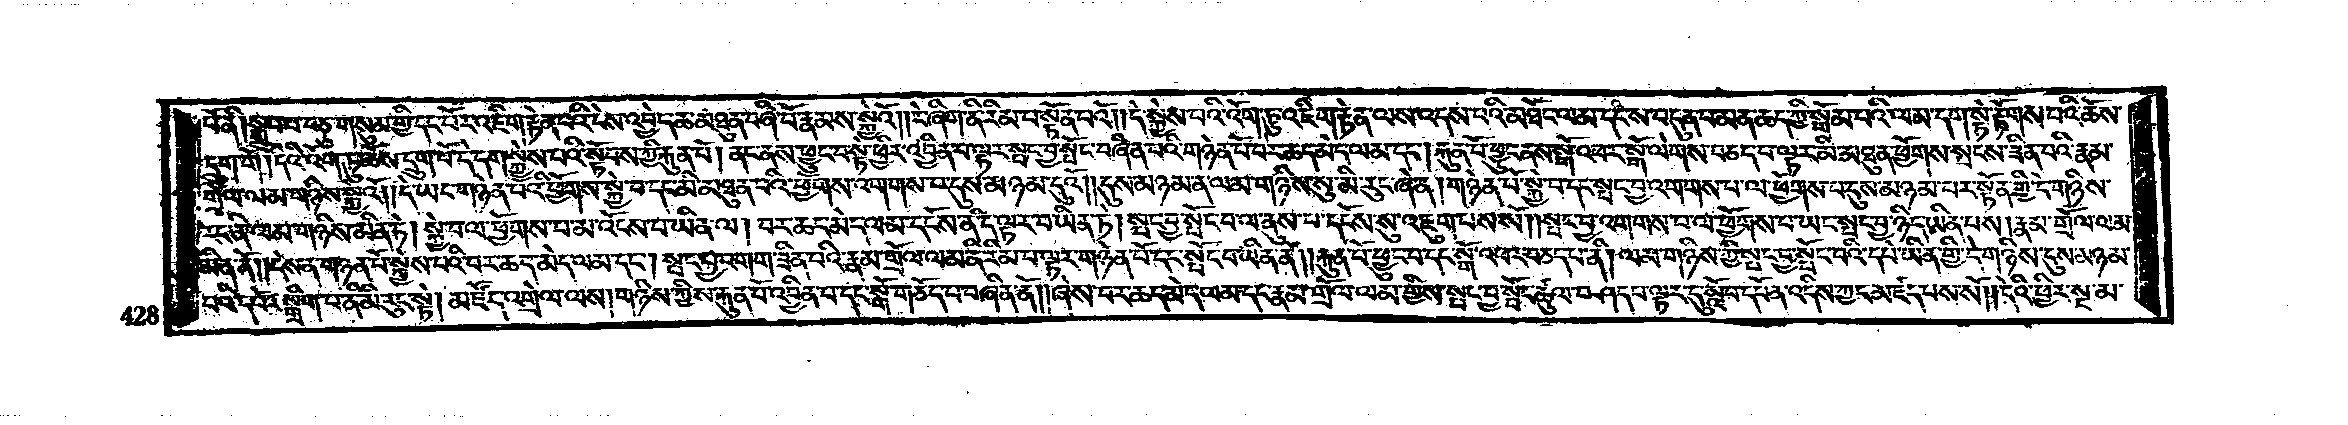པོ་ནི། སྒྲུབ་པ་བཅུ་གསུམ་གྱི་དང་པོར་འཇིག་རྟེན་པའི་ངེས་འབྱེད་ཆ་མཐུན་བཞི་པོ་རྣམས་སྐྱེའོ། །རེ་ཞིག་ནི་རིམ་པ་སྟོན་པའོ། །དེ་སྐྱེས་པའི་འོག་ཏུ་འཇིག་རྟེན་ལས་འདས་པའི་མཐོང་ལམ་དང་ས་བདུན་པ་མན་ཆད་ཀྱི་སྒོམ་པའི་ལམ་དག་སྟེ་རྟོགས་པའི་ཆོས་
དྲུག་གོ །དེའི་འོག་ཏུ་ཆོས་དྲུག་པོ་དེ་དག་སྐྱེས་པའི་སྟོབས་ཀྱི་རྐུན་པོ། ནང་ནས་ཕྱུང་བ་སྟེ་ཕྱིར་འབྱིན་པ་ལྟར་སྤང་བྱ་སྤོང་བཞིན་པའི་གཉེན་པོ་བར་ཆད་མེད་ལམ་དང་། རྐུན་པོ་ཕྱུང་ནས་སྒོ་འཕར་སྒོ་ལེགས་བཅད་པ་ལྟར་མི་མཐུན་ཕྱོགས་སྤངས་ཟིན་པའི་རྣམ་
གྲོལ་ལམ་གཉིས་སྐྱེའོ། །དེ་ཡང་གཉེན་པོའི་ཕྱོགས་སྐྱེ་བ་དང་མི་མཐུན་པའི་ཕྱོགས་འགགས་པ་དུས་མཉམ་དུའོ། །དུས་མཉམ་ན་ལམ་གཉིས་སུ་མི་རུང་ཞེ་ན། གཉེན་པོ་སྐྱེ་བ་དང་སྤང་བྱ་འགགས་པ་ལ་ཕྱོགས་པ་དུས་མཉམ་པར་སྟོན་གྱི་དེ་གཉིས་
རང་ནི་ལམ་གཉིས་མིན་ཏེ། སྐྱེ་བ་ལ་ཕྱོགས་པ་མ་འོངས་པ་ཡིན་ལ། བར་ཆད་མེད་ལམ་དངོས་ནི་ད་ལྟར་བ་ཡིན་ཏེ། སྤང་བྱ་སྤོང་བ་ལ་ནུས་པ་དངོས་སུ་འཇུག་པས་སོ། །སྤང་བྱ་འགགས་པ་ལ་ཕྱོགས་པ་ཡང་སྤང་བྱ་ཉིད་ཡིན་པས། རྣམ་གྲོལ་ལམ་
མིན་ནོ། །དེས་ན་གཉེན་པོ་སྐྱེས་པའི་བར་ཆད་མེད་ལམ་དང་། སྤང་བྱ་འགག་ཟིན་པའི་རྣམ་གྲོལ་ལམ་ནི་རིམ་པ་ལྟར་གཉེན་པོ་དང་སྤོང་བ་ཡིན་ནོ། །རྐུན་པོ་ཕྱུང་བ་དང་སྒོ་འཕར་བཅད་པ་ནི། ལམ་གཉིས་ཀྱི་སྤང་བྱ་སྤོང་བའི་དཔེ་ཡིན་གྱི་དེ་གཉིས་དུས་མཉམ་
པའི་དཔེར་སྒྲིག་པ་ནི་མི་རུང་སྟེ། མཛོད་འགྲེལ་ལས། གཉིས་ཀྱིས་རྐུན་པོ་འབྱིན་པ་དང་སྒོ་གཅོད་པ་བཞིན་ནོ། །ཞེས་བར་ཆད་མེད་ལམ་དང་རྣམ་གྲོལ་ལམ་གྱིས་སྤང་བྱ་སྤོང་ཚུལ་བཤད་པ་ལྟར་དུ་སློབ་དཔོན་འདིས་ཀྱང་མཛད་པས་སོ། །དེའི་ཕྱིར་སྔ་མ་